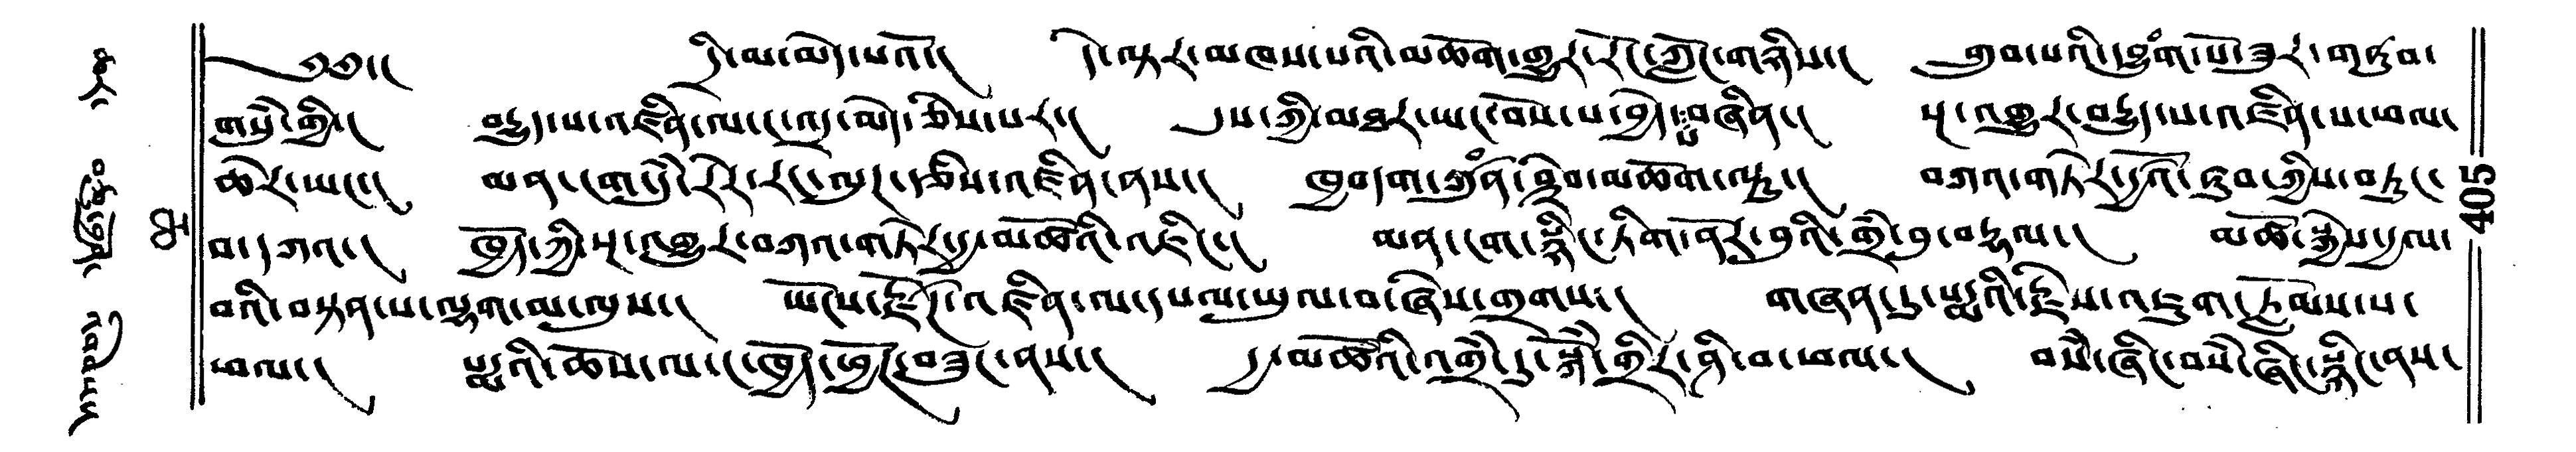དྲི་མ་མེད་པའོ།། དེ་ལྟར་མཁས་པའི་མཆོག་གྱུར་རོང་ཀློང་གཉིས། །གྲུབ་པའི་དབང་ཕྱུག་སོ་ཟུར་གནུབས་
གསུམ་གྱི། །བརྒྱུད་པ་འཛིན་ལ་ང་འདྲ་མེད་ཅེས་པར། །དུས་ཀྱི་མཐར་ཡང་བོས་པ་བྱེད་པ་བཞིན། སྔ་འགྱུར་བརྒྱུད་པ་འཛིན་པ་ཕལ་
ཆེར་ཡང་། །མན་ངག་དུམ་རེར་རང་ལུགས་རྩིས་འཛིན་ནས། ཁྱབ་བདག་ཀུན་བཟང་ཤེས་རབ་མཆོག་ལྟ་བུ། །བཀའ་གཏེར་རྒྱ་མཚོ་ཧུབ་ཀྱིས་བཏུང་
བ་དཀའ། ཁྱོད་ཀྱི་སྔ་འགྱུར་བཀའ་གཏེར་རྒྱ་མཚོའི་འཇིང་། །མན་ངག་སྙིང་ཏིག་ནོར་བུའི་གྲམ་བུ་བརྡལ། །མཚོ་སྐྱེས་རྒྱལ་
བའི་བསྟན་པ་ལྷག་མ་ལུས། །ཡོངས་རྫོགས་འཛིན་ལ་དཔལ་ཡུལ་བ་ཞེས་གྲགས། །གཞན་དུ་པདྨའི་རྗེས་འཇུག་རློམས་པ་
ཕལ། །པདྨའི་ཆོས་ལ་ང་ཁྱོད་ཕྱོགས་བཟུང་ནས། །རྒྱ་མཚོའི་འགྲམ་དུ་སྐོམ་གྲིར་ཤི་བ་ཕལ། །བསམ་ཞིང་བསམ་ཞིང་སྙིང་ནས་